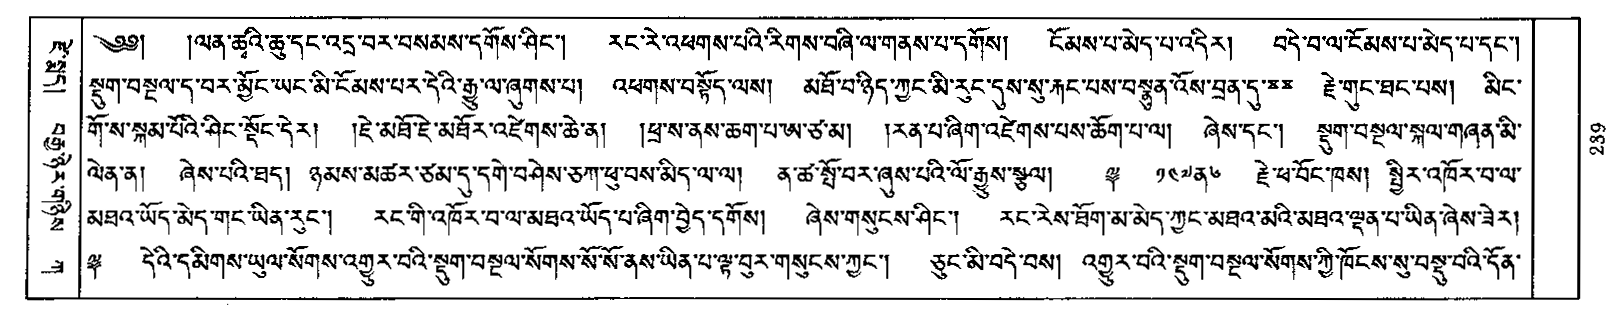༄༅། །ལན་ཚྭའི་ཆུ་དང་འདྲ་བར་བསམས་དགོས་ཤིང་། རང་རེ་འཕགས་པའི་རིགས་བཞི་ལ་གནས་པ་དགོས། ངོམས་པ་མེད་པ་འདིར། བདེ་བ་ལ་ངོམས་པ་མེད་པ་དང་།
སྡུག་བསྔལ་ད་བར་མྱོང་ཡང་མི་ངོམས་པར་དེའི་རྒྱུ་ལ་ཞུགས་པ། འཕགས་བསྟོད་ལས། མཐོ་བ་ཉིད་ཀྱང་མི་རུང་དུས་སུ་རྐང་པས་བསྣུན་འོས་བྲན་དུ་྾྾་རྗེ་གུང་ཐང་པས། མིང་
གོ་ས་སྐམ་པོའི་ཤིང་སྡོང་དེར། །ཇེ་མཐོ་ཇེ་མཐོར་འཛེགས་ཆེ་ན། །ཕྲ་ས་ནས་ཆག་པ་ཨ་ཙ་མ། །རན་པ་ཞིག་འཛེགས་པས་ཆོག་པ་ལ། ཞེས་དང་། སྡུག་བསྔལ་སྐལ་གཞན་མི་
ལེན་ན། ཞེས་པའི་ཐད། ཉམས་མཚར་ཙམ་དུ་དགེ་བཤེས་ཅཀ་ཕུ་བས་མིད་ལ་ལ། ན་ཚ་སྤོ་བར་ཞུས་པའི་ལོ་རྒྱུས་སྩལ། ༈ ༡༤༧་ན ༦་རྗེ་ཕ་བོང་ཁས། སྤྱིར་འཁོར་བ་ལ་
མཐའ་ཡོད་མེད་གང་ཡིན་རུང་། རང་གི་འཁོར་བ་ལ་མཐའ་ཡོད་པ་ཞིག་བྱེད་དགོས། ཞེས་གསུངས་ཤིང་། རང་རེས་ཐོག་མ་མེད་ཀྱང་མཐའ་མའི་མཐའ་ལྡན་པ་ཡིན་ཞེས་ཟེར།
༈ དེའི་དམིགས་ཡུལ་སོགས་འགྱུར་བའི་སྡུག་བསྔལ་སོགས་སོ་སོ་ནས་ཡིན་པ་ལྟ་བུར་གསུངས་ཀྱང་། ཅུང་མི་བདེ་བས། འགྱུར་བའི་སྡུག་བསྔལ་སོགས་ཀྱི་ཁོངས་སུ་བསྡུ་བའི་དོན་